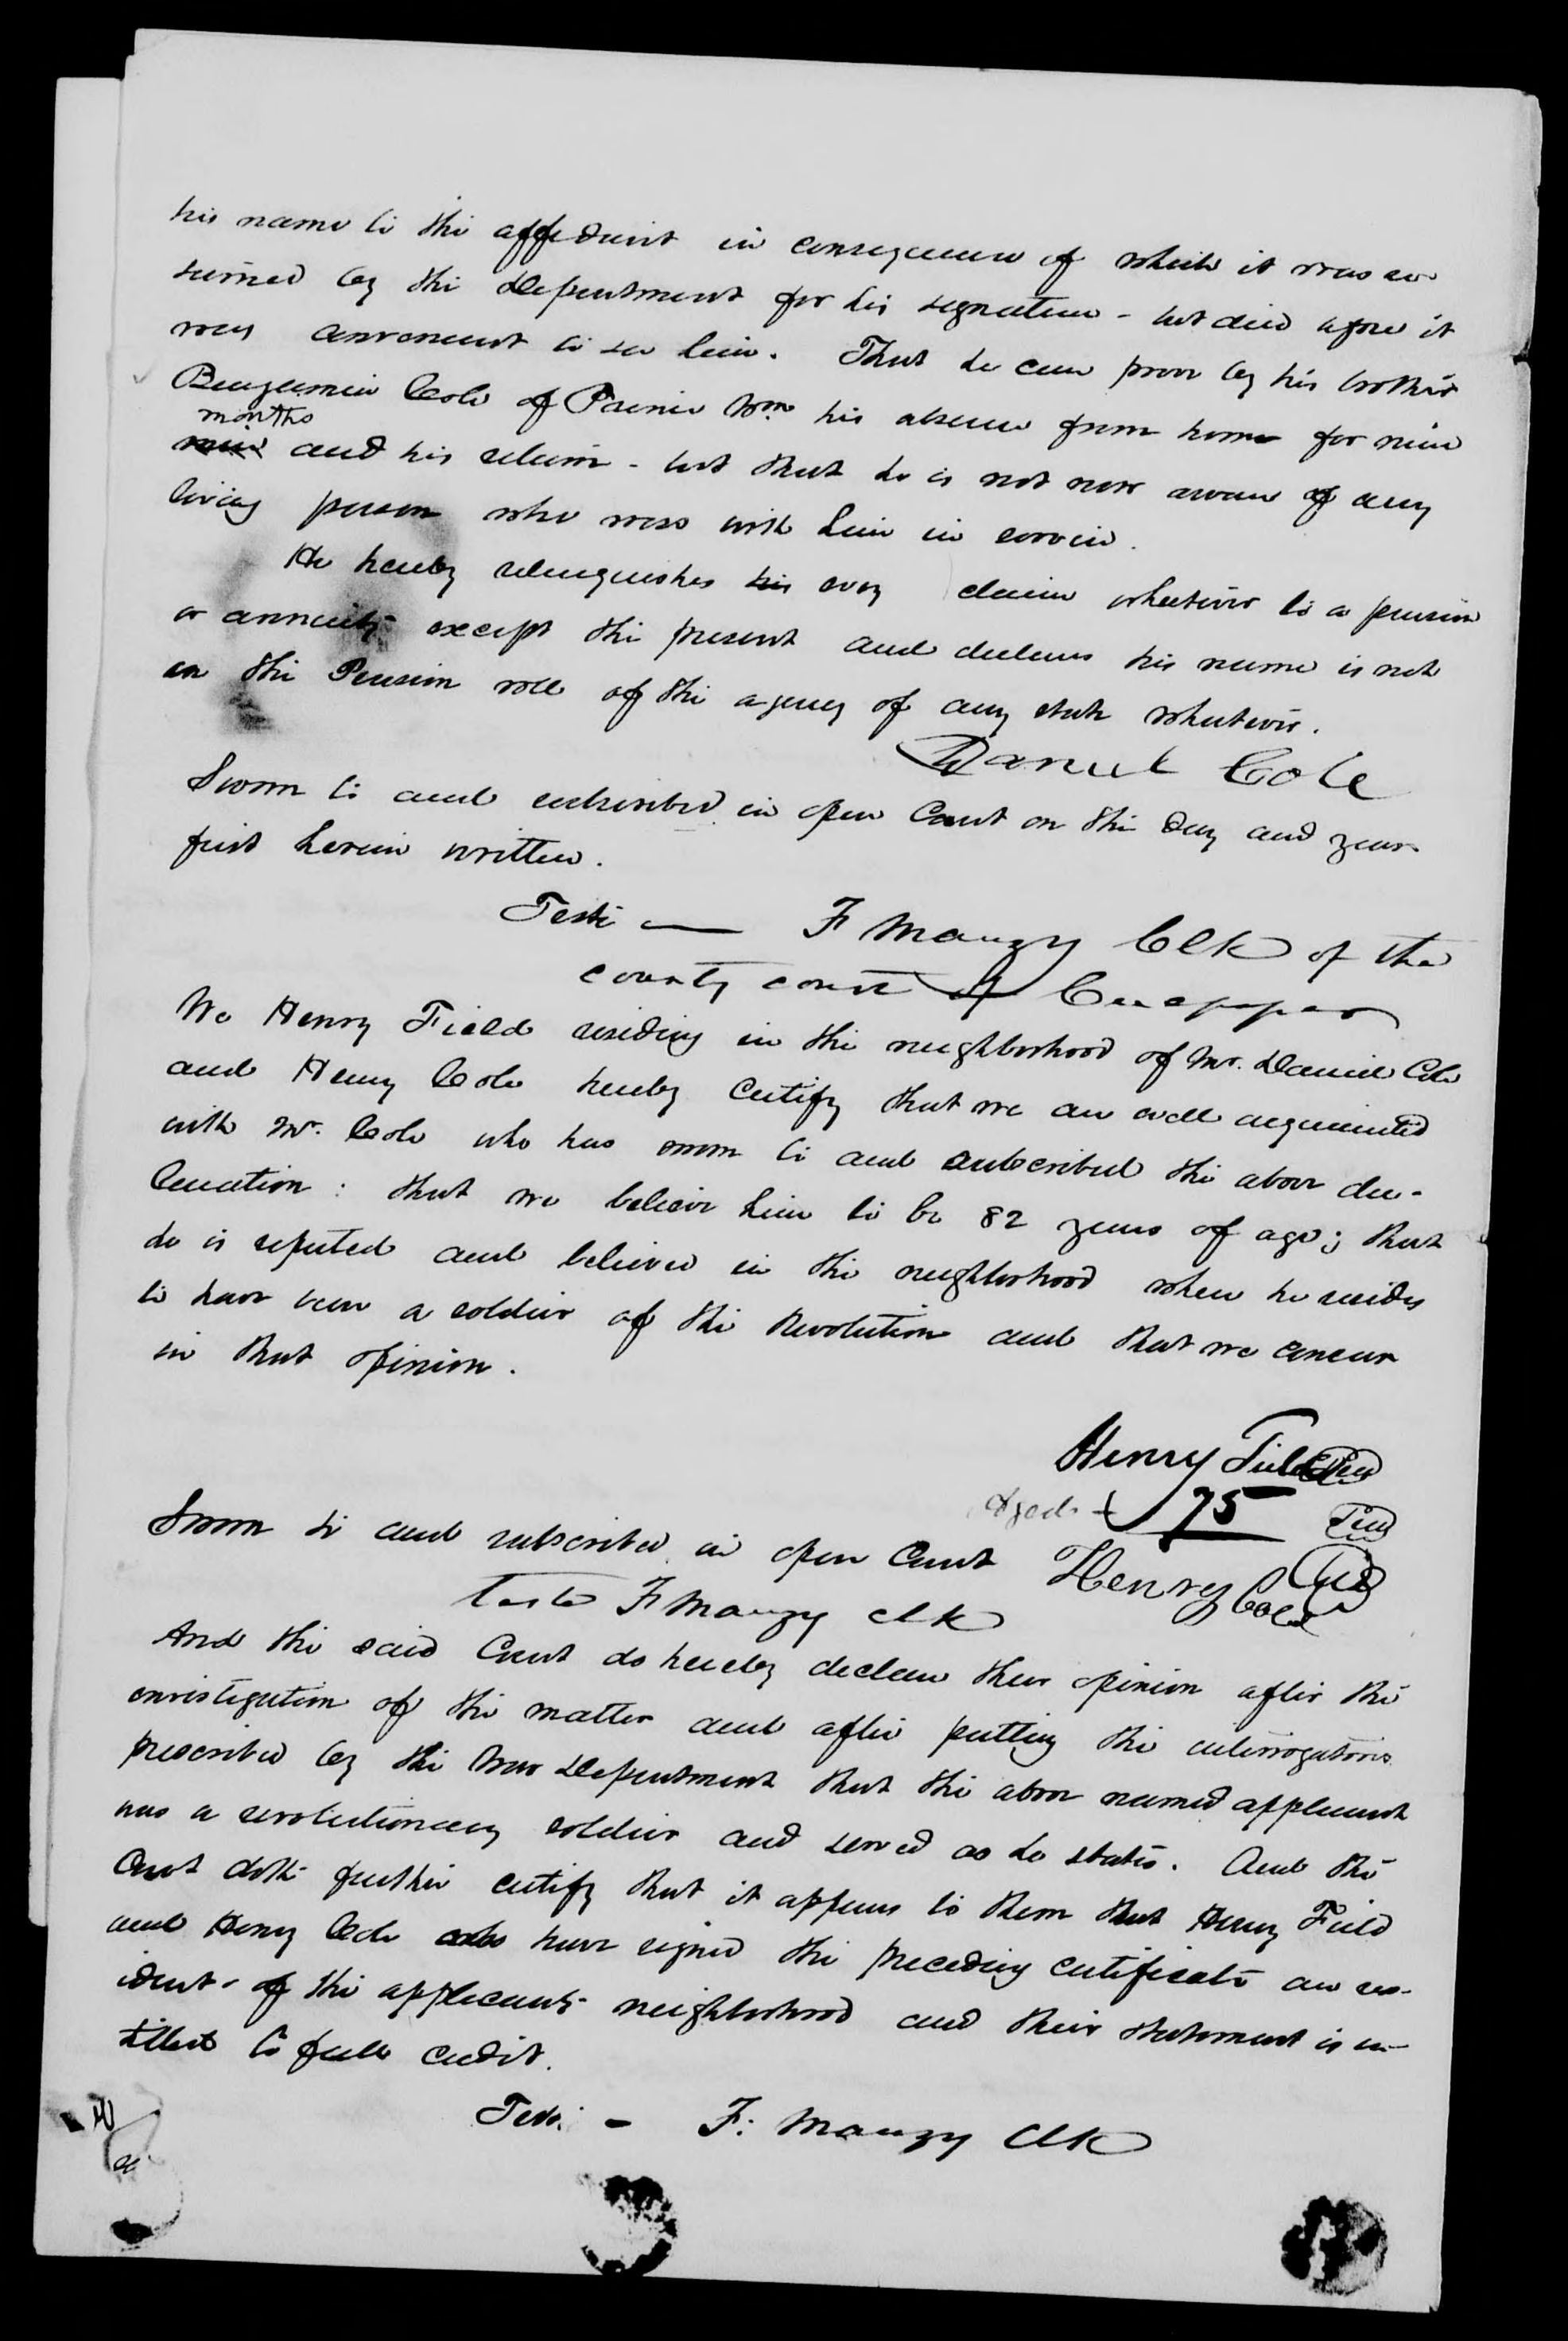his name to the affidavit in consequence of which it was returned by the Department for his signature or deed before it was [illegible] to his heirs. Thus he can prove by his brother
Benjamin Cole of Prince Wm [William] his absence from home for nine months
and his claim, but that  do is not aware of any
living person who was with him in service.
He hereby relinquishes his every claim whatever to a pension or annuity except the present and declares his name is not on the Pension roll of the agency of any state whatever
Daniel Cole
Sworn to and subscribed in open Court on the day and year
first herein written
Testi. F Mauzy Clk of the county court of Culpeper
We Henry Field residing in the neighborhood of Mr. David Cole and Henry Cole hereby certify that we are well acquainted with Mr Cole who has sworn to and subscribed the above declaration: That we believe him to be 82 years of age; that do is reputed and believed in the neighborhood where he resides to have been a soldier of the Revolution and that we concur in that opinion.
Henry Field [seal]
age 75 [seal]
Henry Cole [seal]

Sworn to and subscribed in open Court
testi F Mauzy clk [clerk]

And the said Court do hereby declare their opinion after their investigation of the matter and after putting the interrogations prescribed by the War Department that the above named applicant was a revolutionary soldier and served as he states. And the Court doth further certify that it appears to them that Henry Field
and Henry Cole have signed the preceding certificate as residents of the applicants neighborhood and their statement is intitled to full credit
Testi
F. Mauzy Clk [Clerk]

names: Henry Field, Cole, Henry Field, Henry Cole, Henry Field, Henry Cole, F Mauzy, F Mauzy, F Mauzy, Daniel Cole, Benjamin Cole, Daniel Cole, Henry Cole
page: 12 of 61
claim: survivor's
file: S. 8236, Daniel Cole, Va.